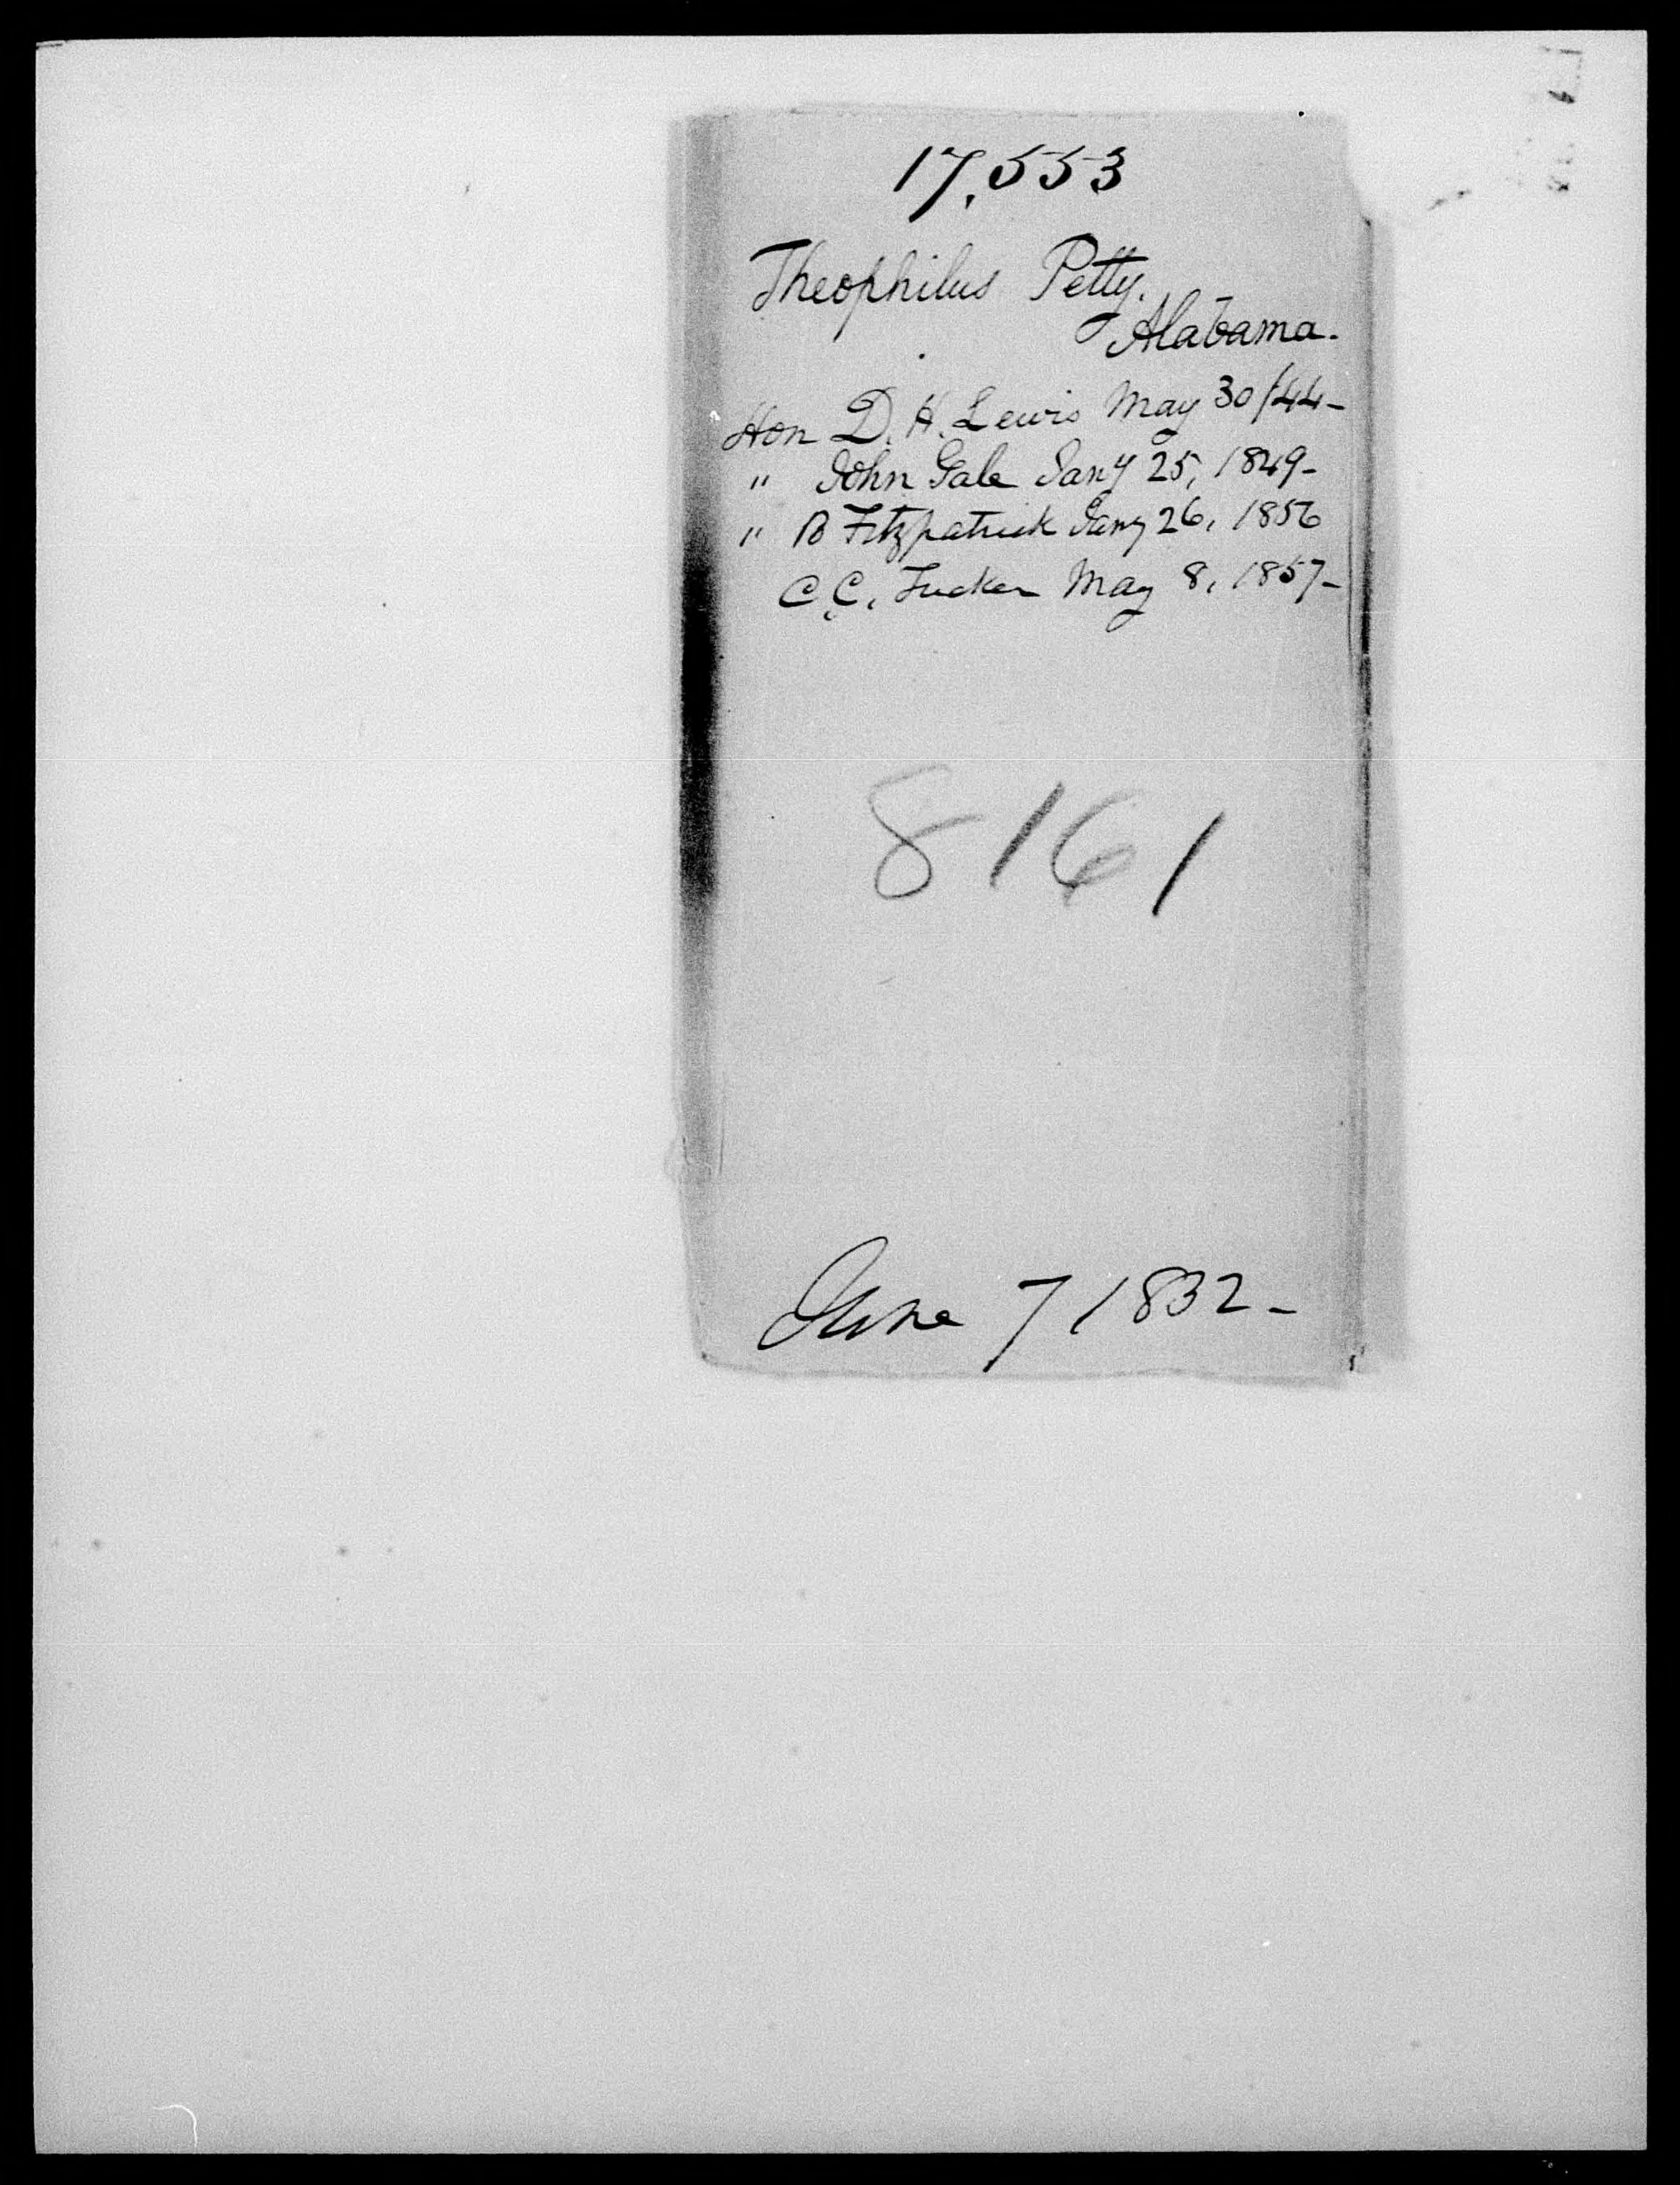17553
Theophilus Petty Alabama
Hon DH Lewis May 30/44
" John Gale Jany 25 1849
" B Fitzpatrick Jany 26 1856
CC Tucker May 8 1857
8161
June 7 1832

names: C C Tucker; Theophilus Petty; B Fitzpatrick; John Gale; D H Lewis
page: 13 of 26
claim: rejected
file: R. 8,161, for Theophilus Petty, South Carolina